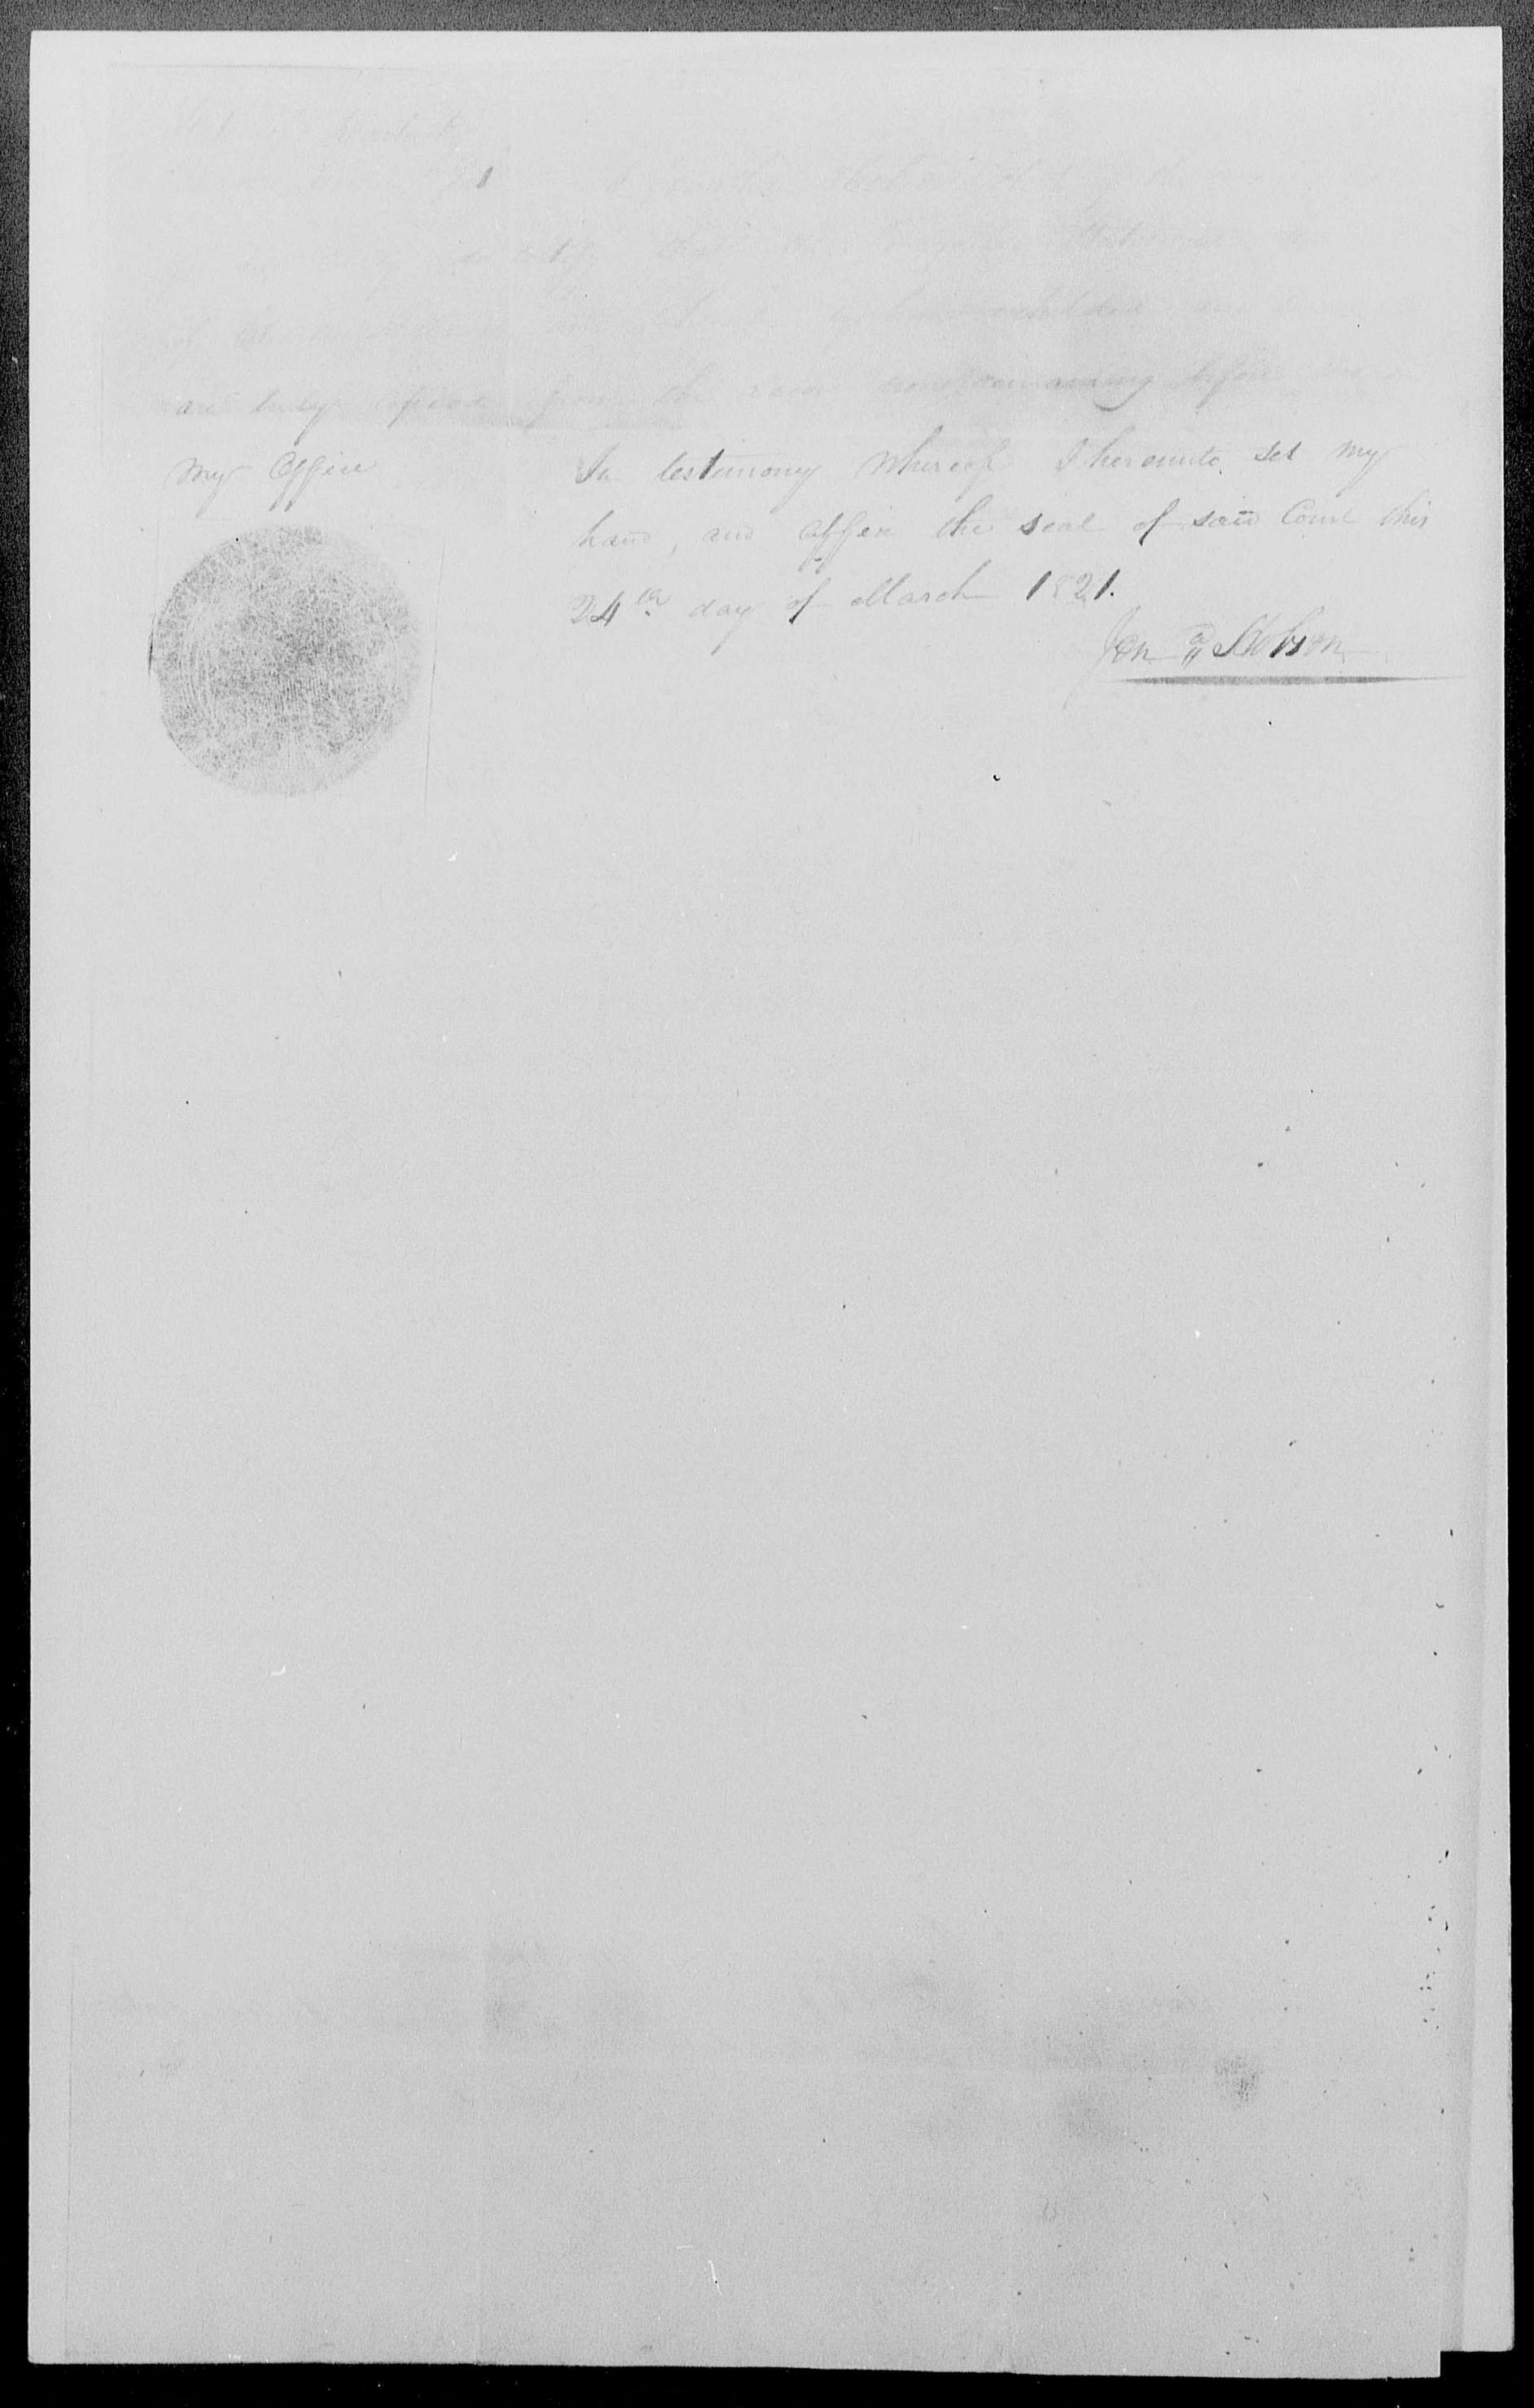[several faded lines, illegible]
are truly copied from the record now remaining before My Office
In testimony whereof I hereunto set my hand, and affix the seal of said Court this 24th day of March 1821.
Jona. Hobson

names: Jona Hobson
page: 11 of 22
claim: survivor's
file: S. 36399, Charles Allen, Va.